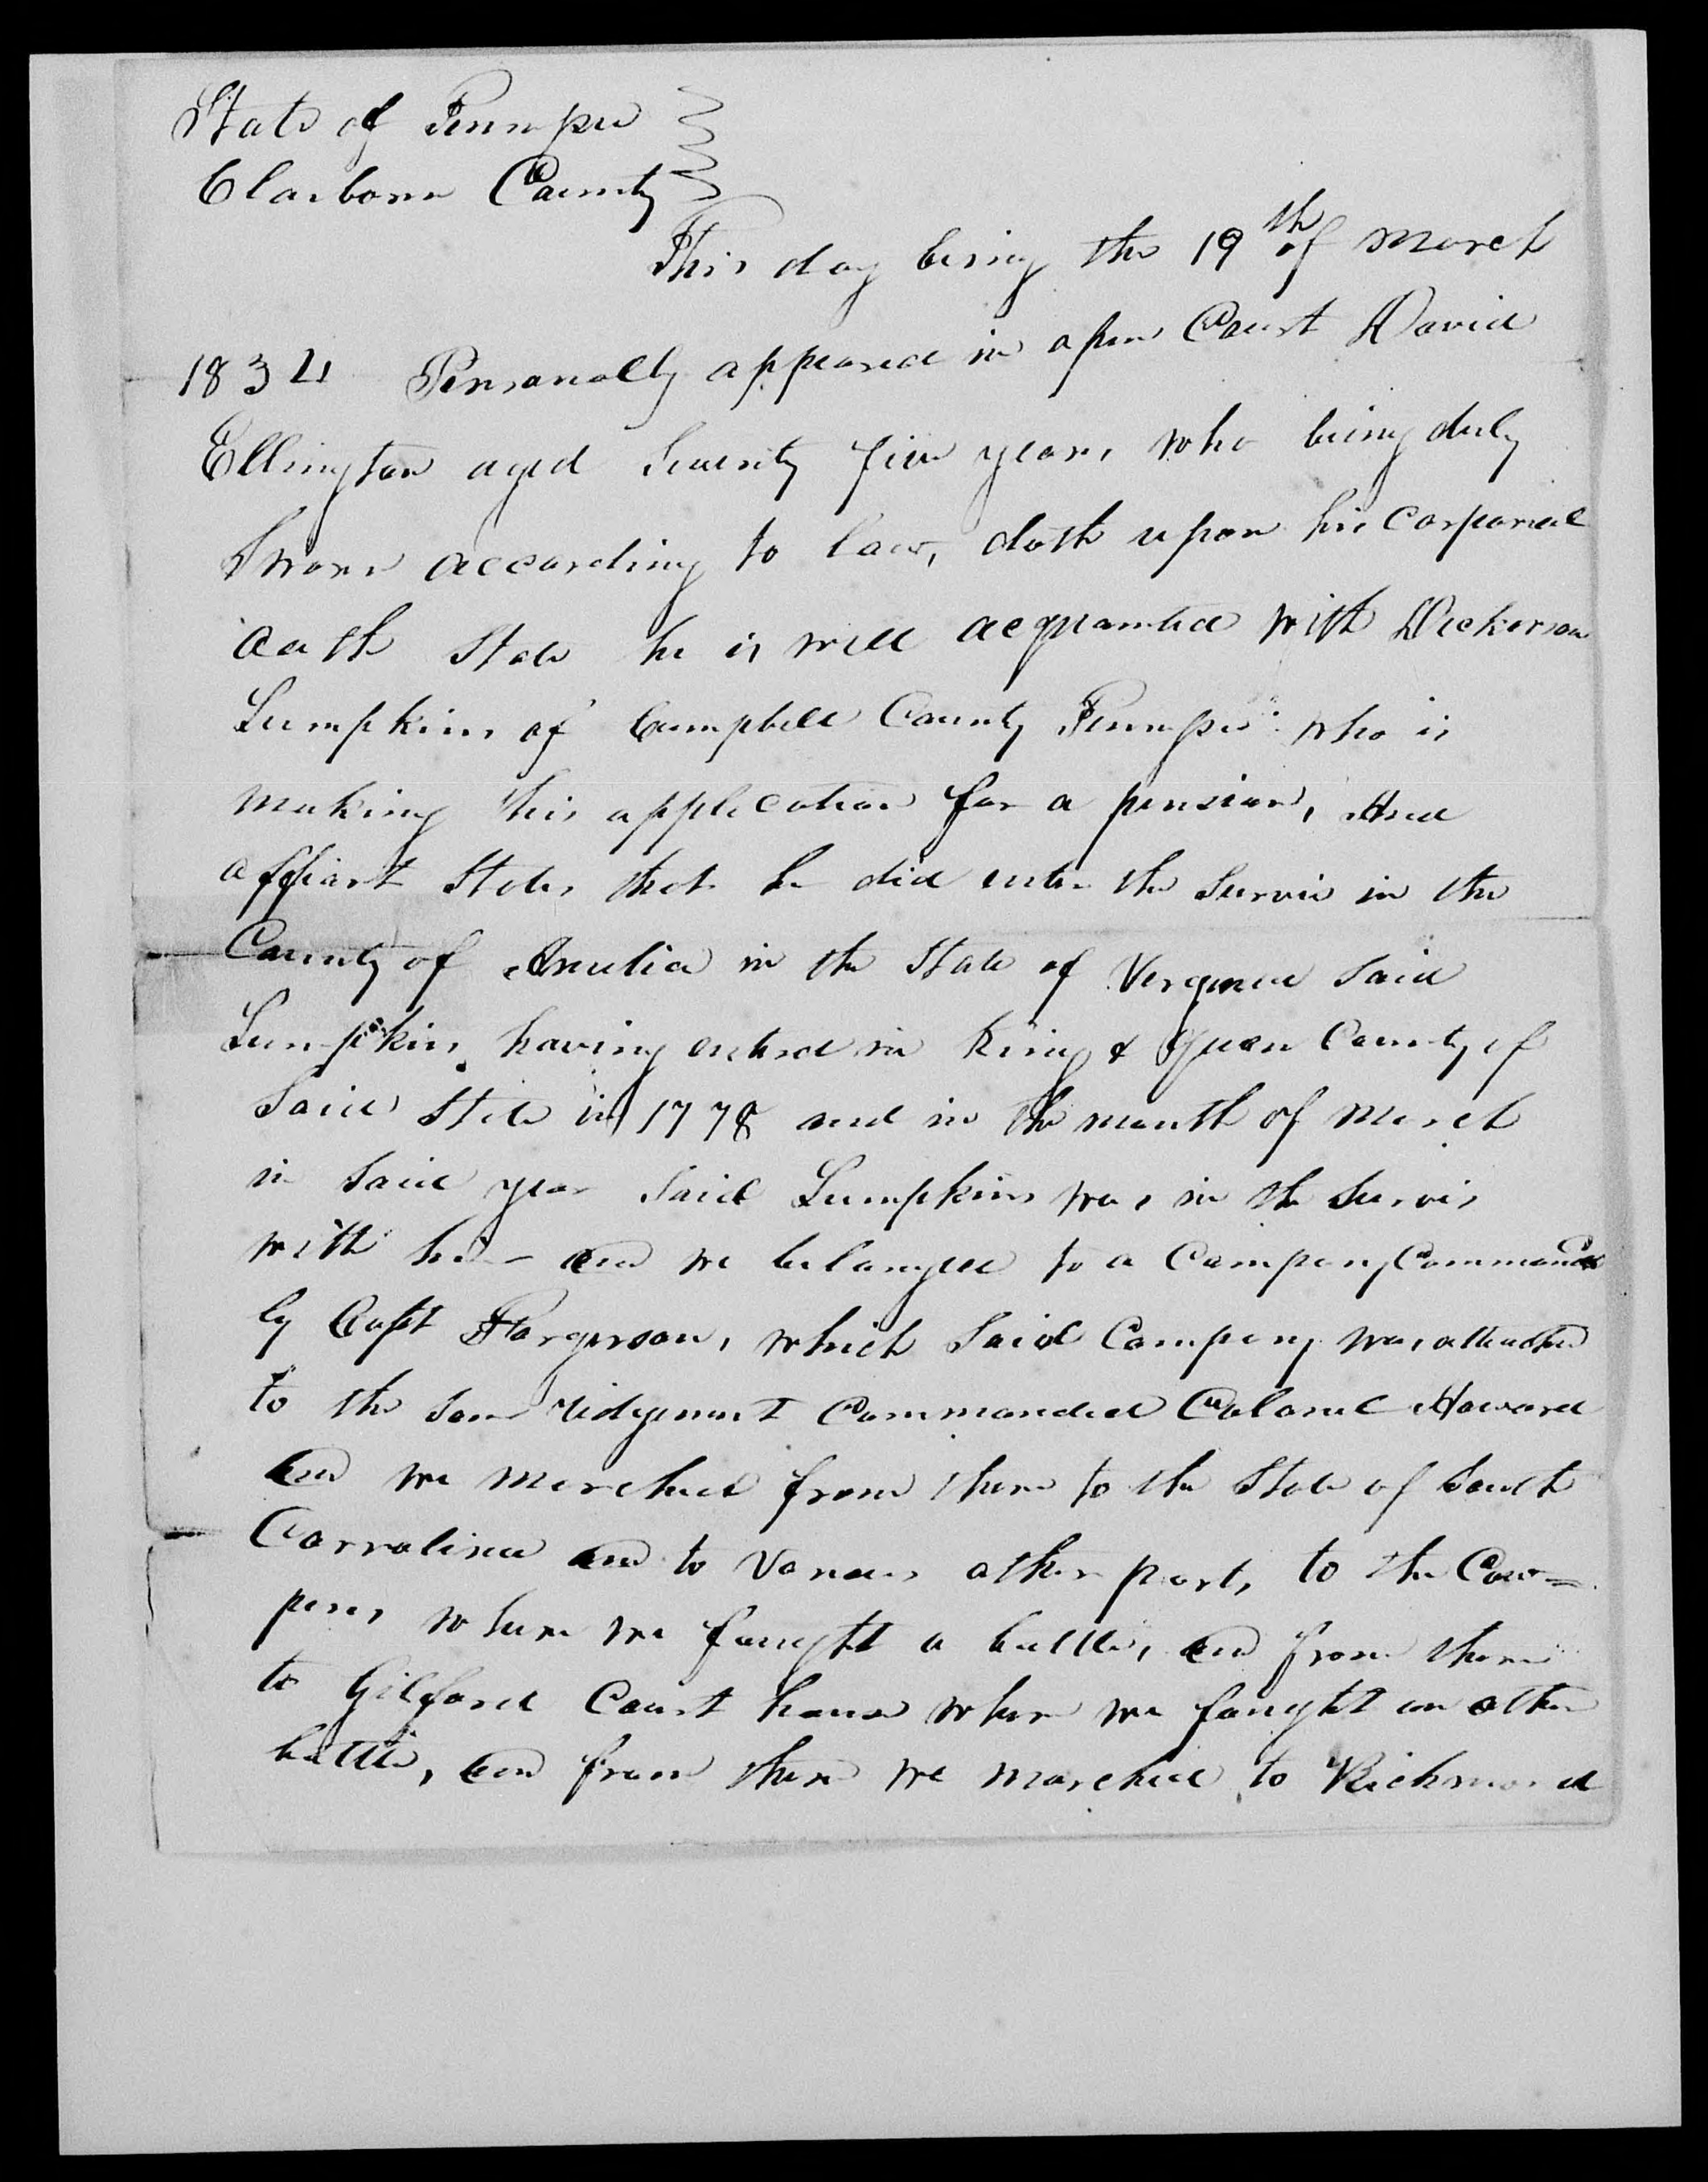(Handwritten document)

State of Tennessee ⎬
Claiborne County
This day being the 19th March 1834 Personally appeared in open Court David Ellington aged Seventy five years who being duly Sworn according to law, doth upon his (illegible)
Oath state he is well acquainted with Dickerson Lumpkin of Campbell County Tennessee who is making this application for a pension, and affiant states that he did into the service in the County of Amelia in the State of Virginia said Lumpkin, having entered in King & Queen County of said State in 1778 and in the month of March in said year said Lumpkins was in the Services with him and we belonged to a Company Commanded by Capt Forgerson, which said Company was attached
to the said regiment commanded Colonel Howard and we marched from there to the State of South Carrolina and to various other part, to the Cowpens where we fought a battle, and from there to Gilford Court house where we fought in other battles, and from there we marched to Richmond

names: Dickerson Lumpkins; [BLANK] Farguson; David Ellington; [BLANK] Howard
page: 36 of 37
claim: rejected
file: R. 6521, for Dickeson Lumpkin, Pennsylvania